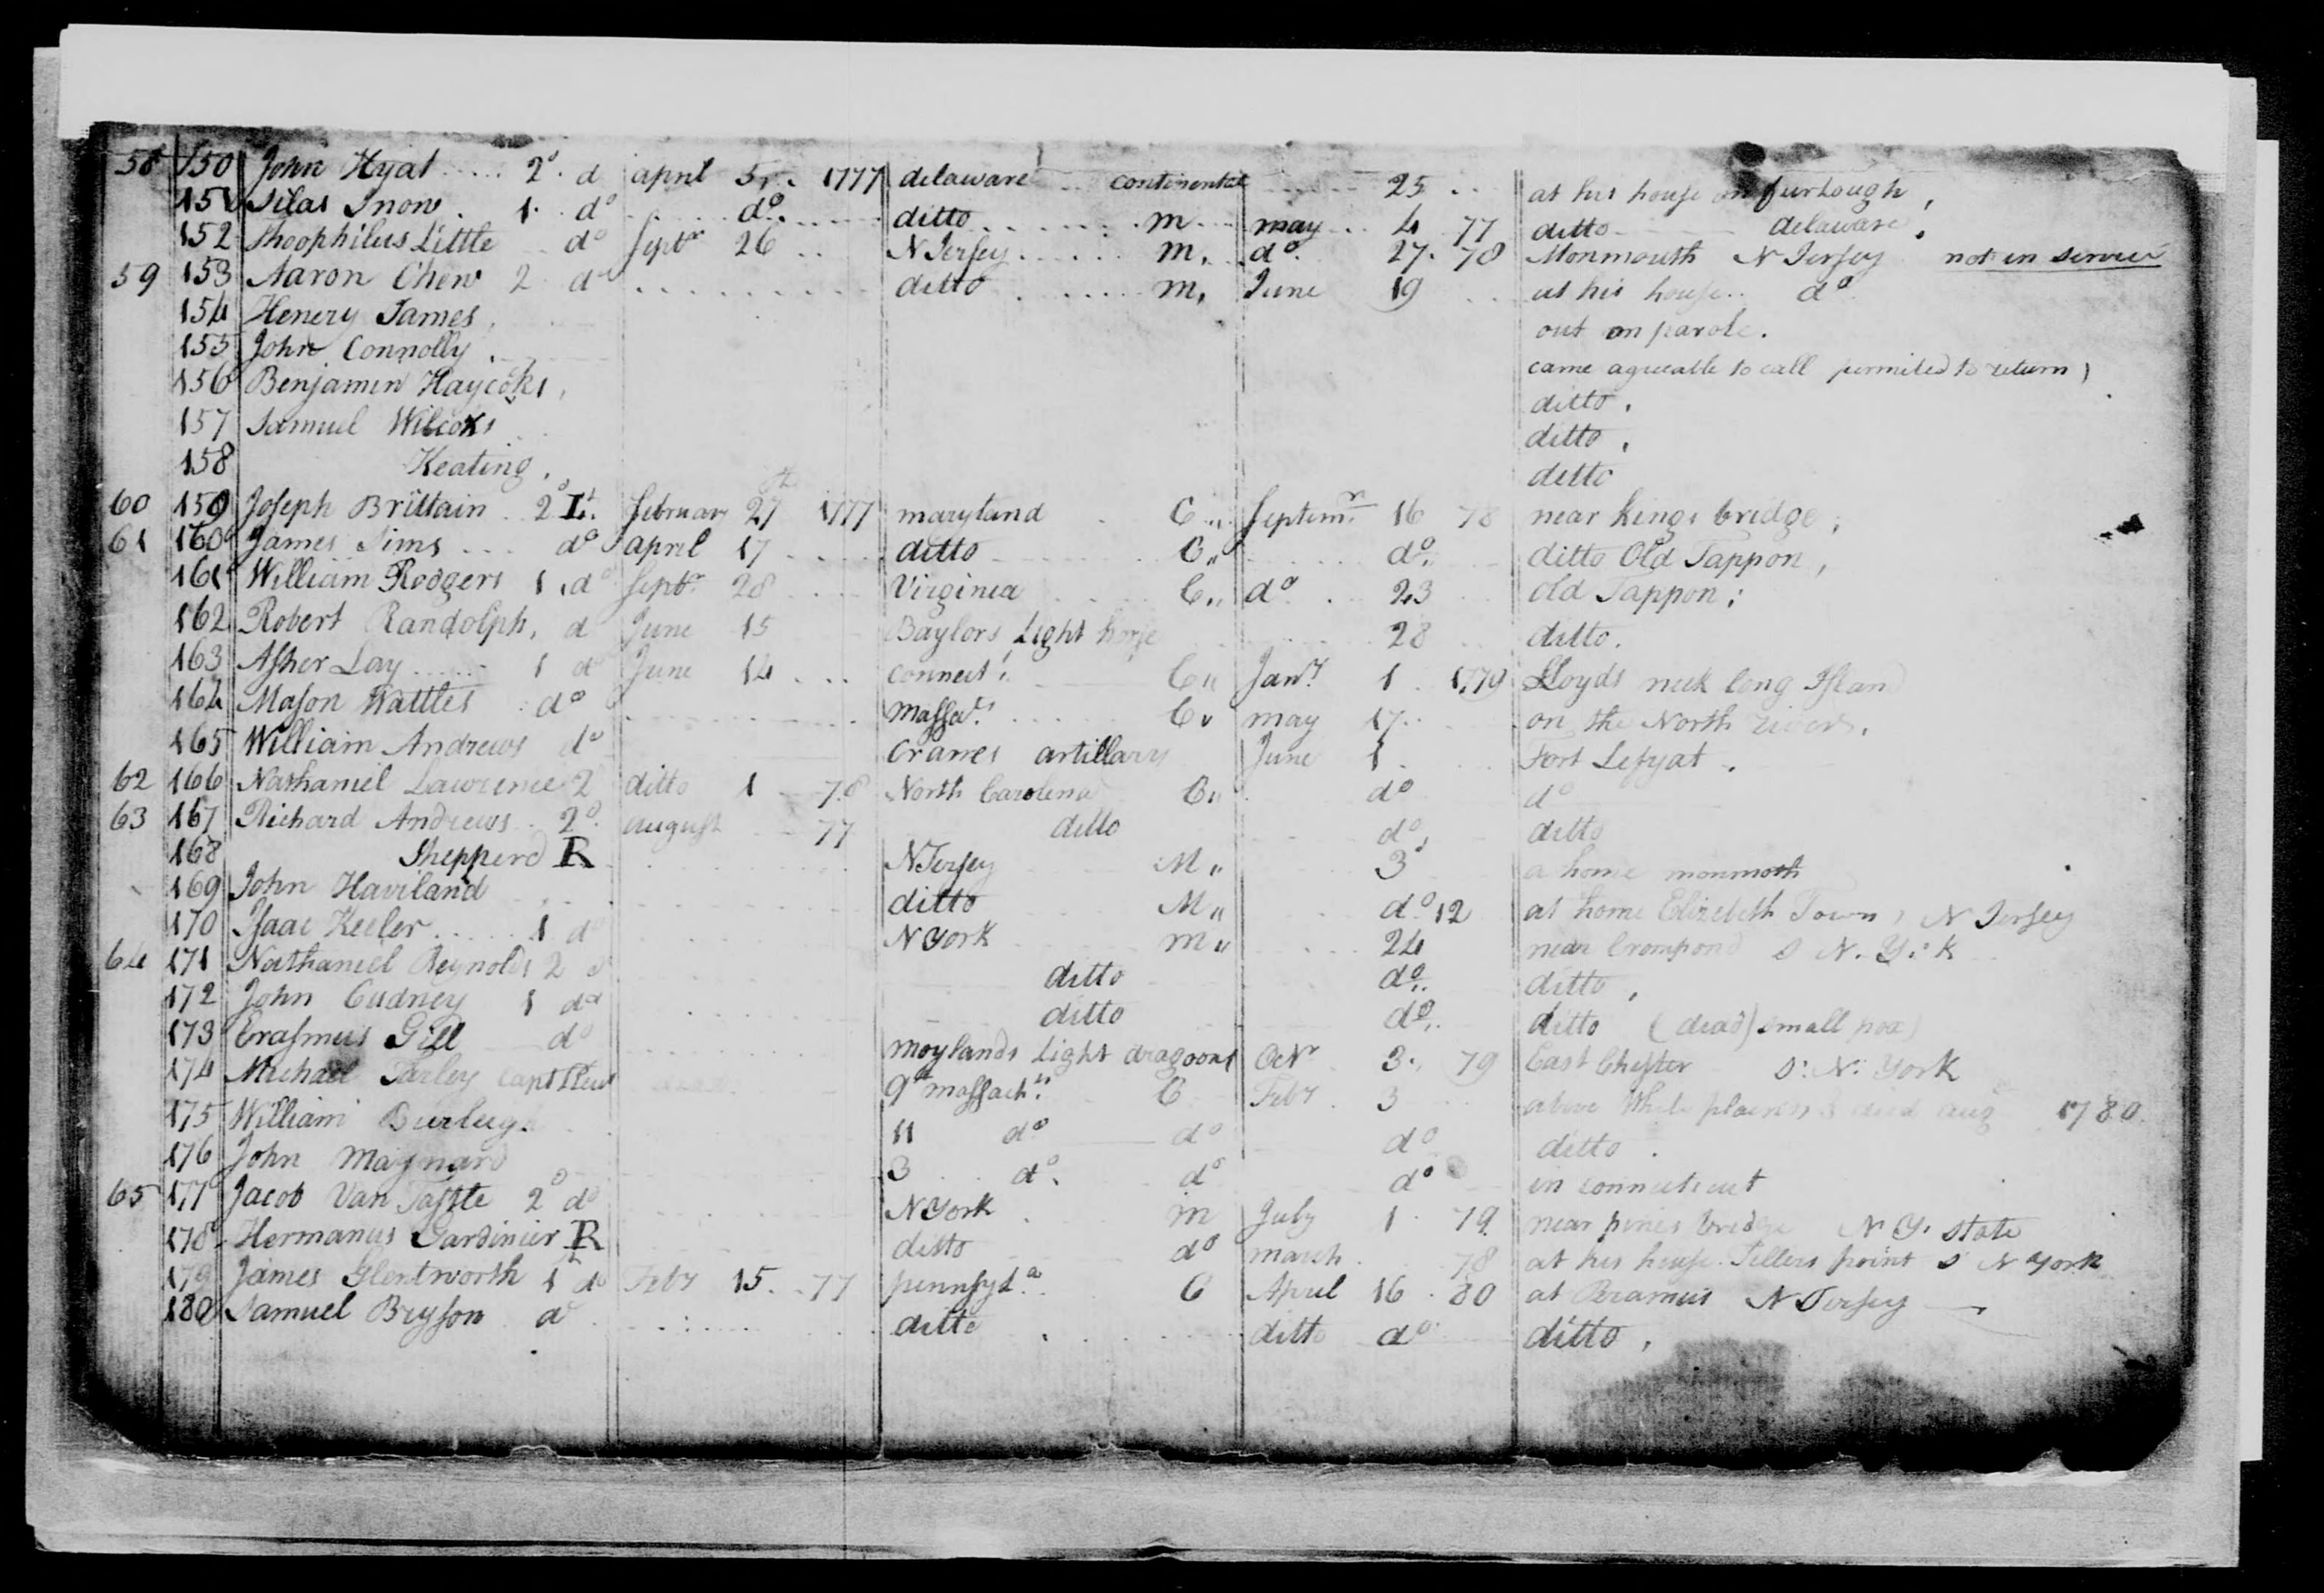[columns continued from previous page] 
58 | 150 | John Hyat 2d d | aprl 5, 1777 | delaware continental | .. 25 .. | at his house on furlough. 
- | 151 | Silas Snow 1 do | do | ditto ..M | May 4 77 | ditto..delaware. 
- | 152 | Thoophilus Little do | Sept 4 26 | N Jersey..M. | do 27 78 | Monmouth N Jersey not in service. 
59 | 153 | Aaron Chew 2 do | ... | ditto.. M | June 19 | at his house do. 
- | 154 | Henery James | - | - | - | out on parole. 
- | 155 | John Connolly | - | - | - | came agreeable to call permited to return) 
- | 156 | Benjamin Haycock | - | - | - | ditto.
- | 157 | Samuel Wilcox | - | - | - | ditto. 
- | 158 | ... Keating | - | - | - | ditto. 
60 | 159 | joseph Brittain 2d L. | February 27th 1777 | Maryland C" | Septemr. 16 78 | hear kings bridge. 
61 | 160 | James Sims do | April 17..| ditto C" | do |  ditto Old Tappon. 
- | 161 | William Rodgers 1s do | Septr 28 | Virginia C" | do 23 | old Tappon. 
- | 162 | Robert Randolph d | June 15 | Baylor Light horse | ..28 | ditto. 
- | 163 | Asher Lay 1 do | June 14 | Connect C" | Jany 1 1779 | Lloyds neck long Island.
- | 164 | Mason Wattles do | ... | Massats. C" | May 17 | on the North river. 
- | 165 | William Andrews do | ... | Cranes artillary | June 1 | Fort Lefyat. 
62 | 166 | Nathaniel Lawrence 2d | ditto 1 78 | North Carolina C" | do | do. 
63 | 167 | Richard Andrews 2d | August 77 | ditto | do | ditto.
- | 168 | .. Shepperd R | ... | N Jersey M" | ..3d | a home  monmoth.
- | 169 | John Haviland | ...| ditto M" | do 12 | at home Elizabeth Town, N Jersey. 
- | 170 | Isaac Keiler 1do | ... | N York M" | ...24 | near Crompond S N. York.
64 | 171 | Nathaniel Reynold 2 do| ... | ditto | do | ditto. 
- | 172 | John Cadney 1 do | ... | ditto | do | ditto (dead) small pox). 
- | 173 | Erasmus Gill do | ... | Marylands Light dragoons | Octr 3, 79 | East Chester S. N. York. 
- | 174 | Michael Riley Capt Lieut | ... | 9th Massach. C" | Feby 5. | above white plains & died Aug 1780. 
- | 175 | William Burlugh | ... | 11 do do | do | ditto. 
- | 176 | John Maynard | ... | 3 do do | do | in connecticut. 
65 | 177 | Jacob Van Tastle 2d do | ... | N York M | July 1 79 | near pines bridge N Y. state. 
- | 178 | Hermanas Gardinier R | ... | ditto do | March 78 | at his house Tellers point S N York.
- | 179 | James Glentworth 1s do | Feby 15 77 | Pennsyla. Co | April 16 80 | at Bramus N Jersey. 
- | 180 | Samuel Bryson do | ... | ditto | ditto do |  ditto.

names: Erasmus Gill, Benjamin Haycook, Aaron Chew, Henery James, Richard Andrews, William Burleigh, James Sims, Samuel Wilcox, Thoophilus Little, Asher Lay, John Hyat, John Maynard, Mason Wattles, Shepperd, Samuel Bryson, John Cadney, Silas Snow, William Andrews, Nathaniel Lawrence, Joseph Brittain, Robert Randolph, Michael Tarley, John Connolly, Nathaniel Reynolds, Jacob Van Tastle, Isaac Keeler, James Glentworth, John Haviland, William Rodgers, Hermanus Gardinier, Keating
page: 28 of 57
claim: survivor's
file: S. 2161, Hezekiah Davies, Penn